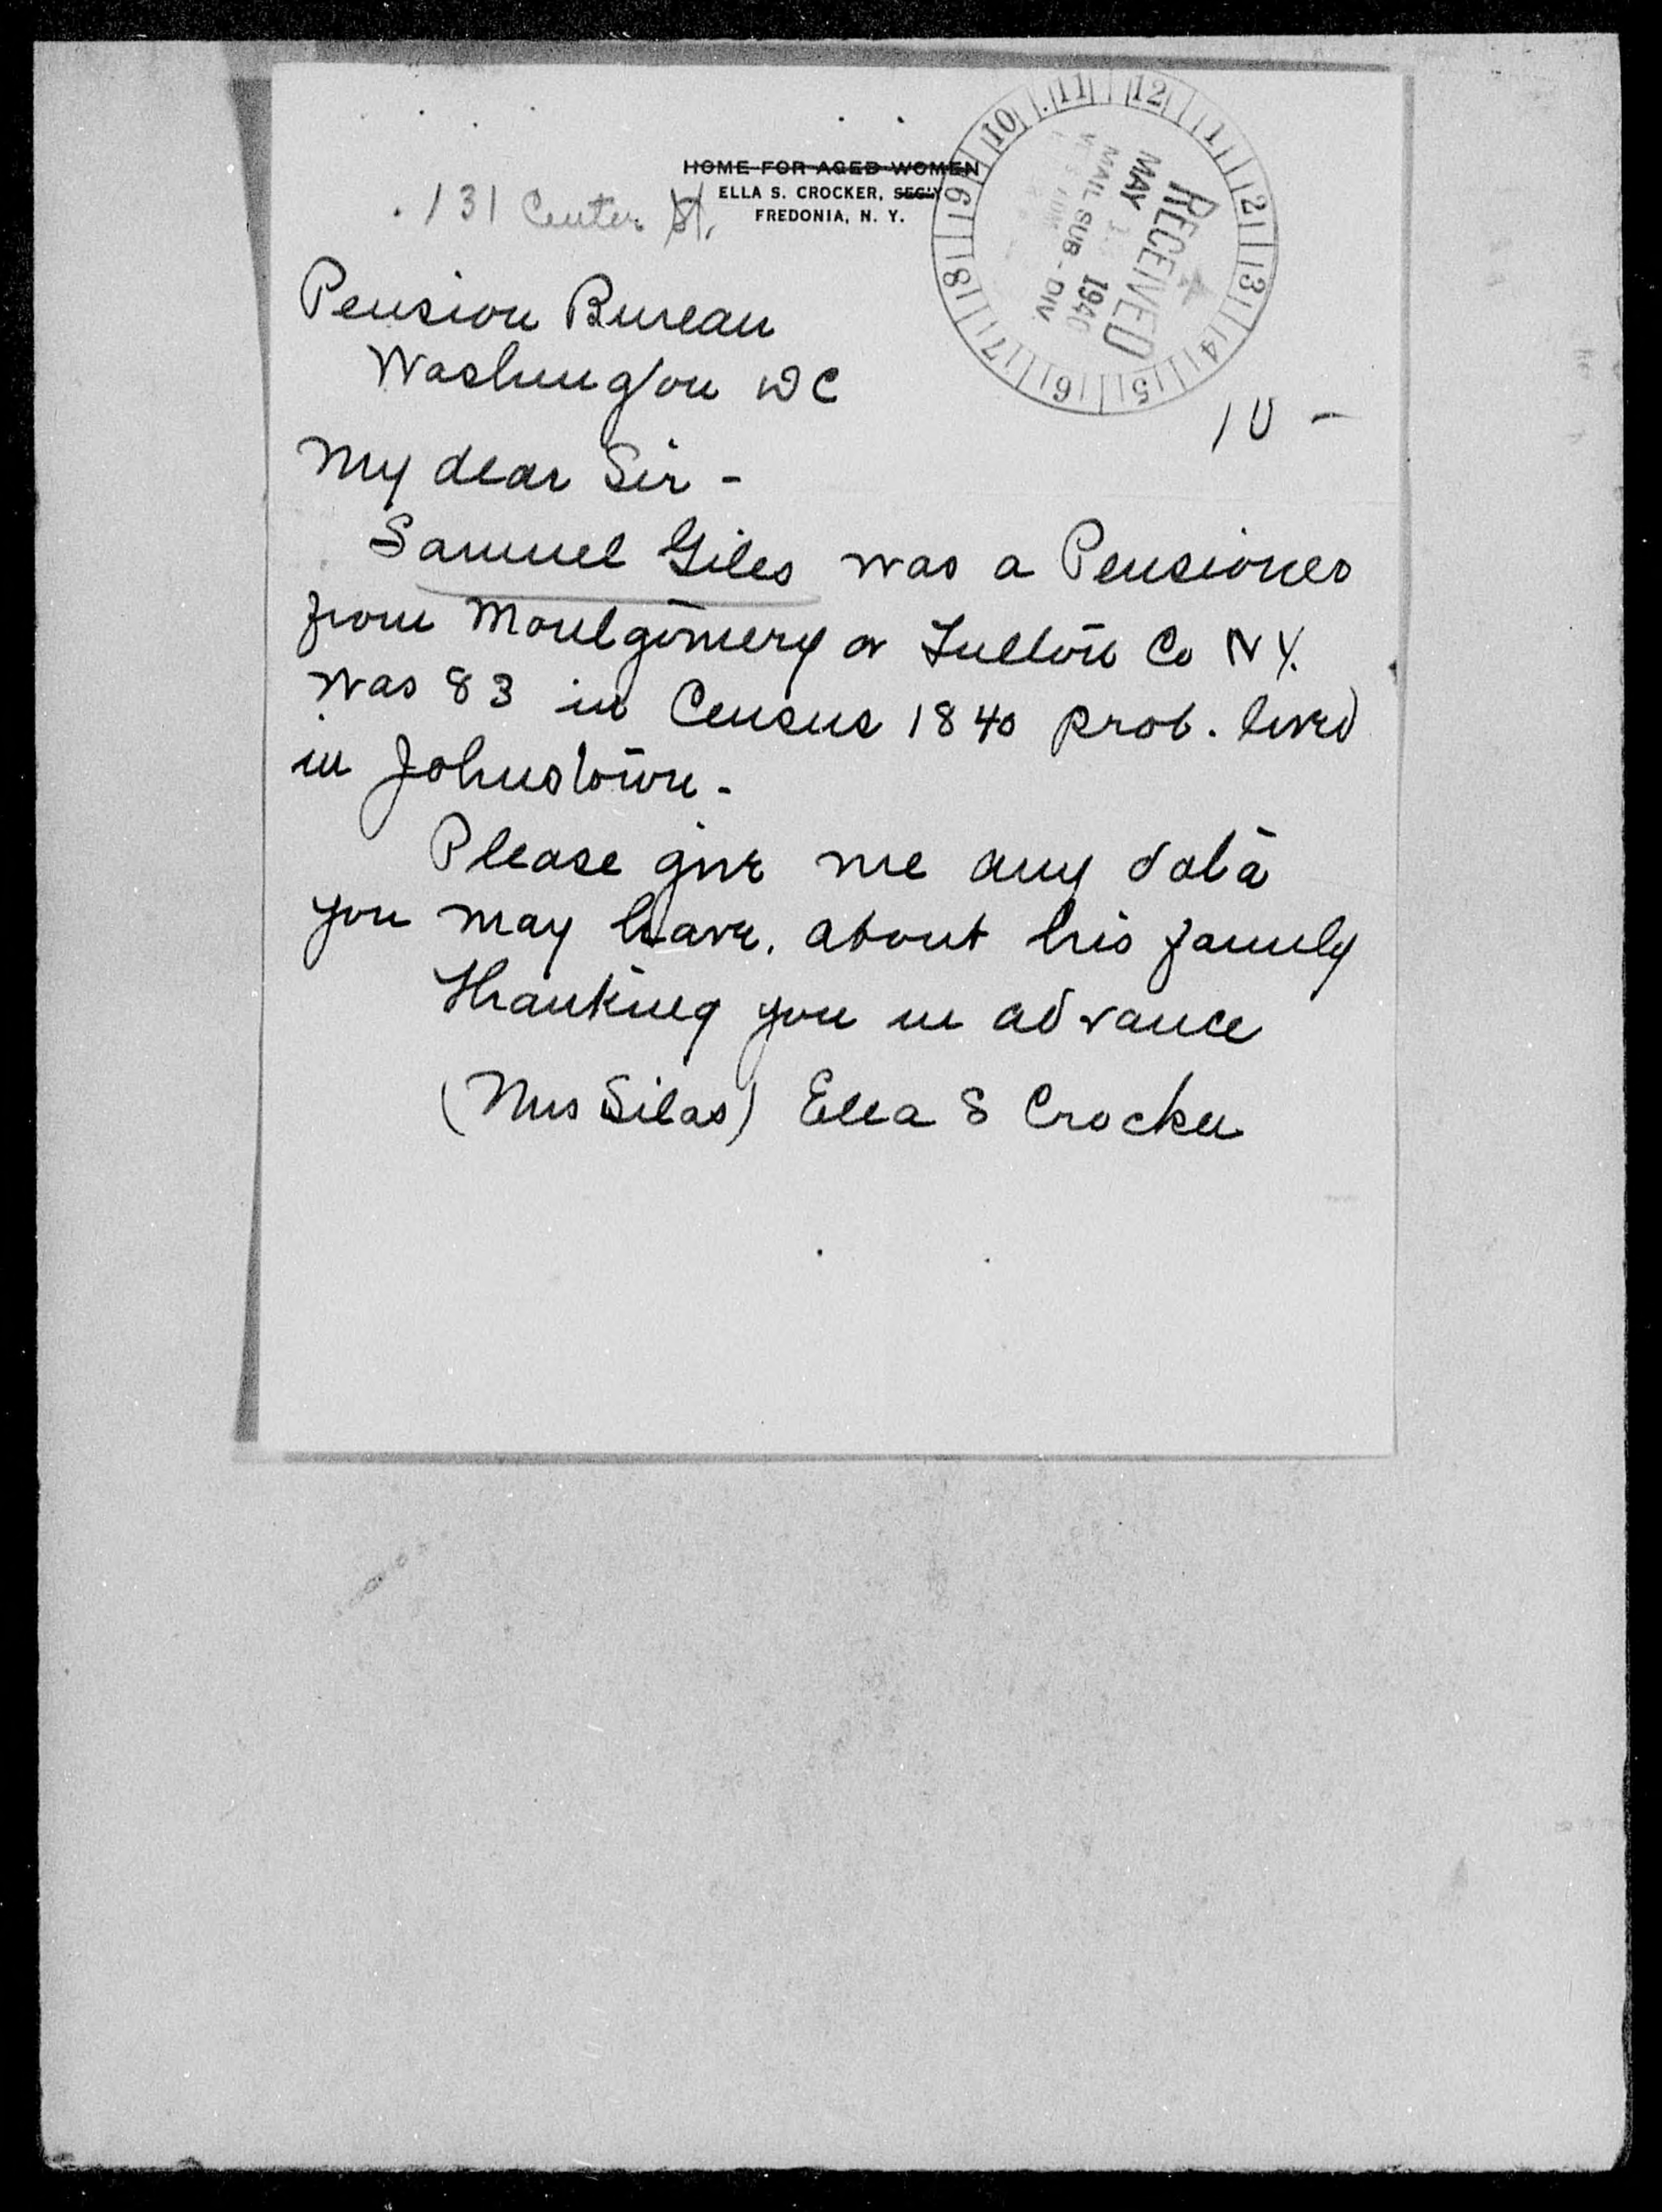[POST MARK: RECEIVED MAY 13, 1940 MAIL SUB-DIV. VETS. ADMIN] [ILLEGIBLE]
HOME FOR AGED WOMEN (CROSSED OUT)
ELLA S. CROCKER, SECY ("SECY" CROSSED OUT)
131 CENTER ST (WRITTEN IN)
FREDONIA, N.Y.

Pension Bureau
Washington DC

My dear Sir-
Samuel Giles was a Pensioner from Montgomery or Fulton Co NY. was 83 in census 1840 prob. lived in Johnstown.

Please give me any data you may have, about his family

Thanking you in advance

(Mrs Silas) Ella S. Crocker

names: Silas, Ella S Crocker, Ella S Crocker, Samuel Giles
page: 22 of 55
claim: widow's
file: W. 19503, Samuel Giles, Conti. Mass. New York